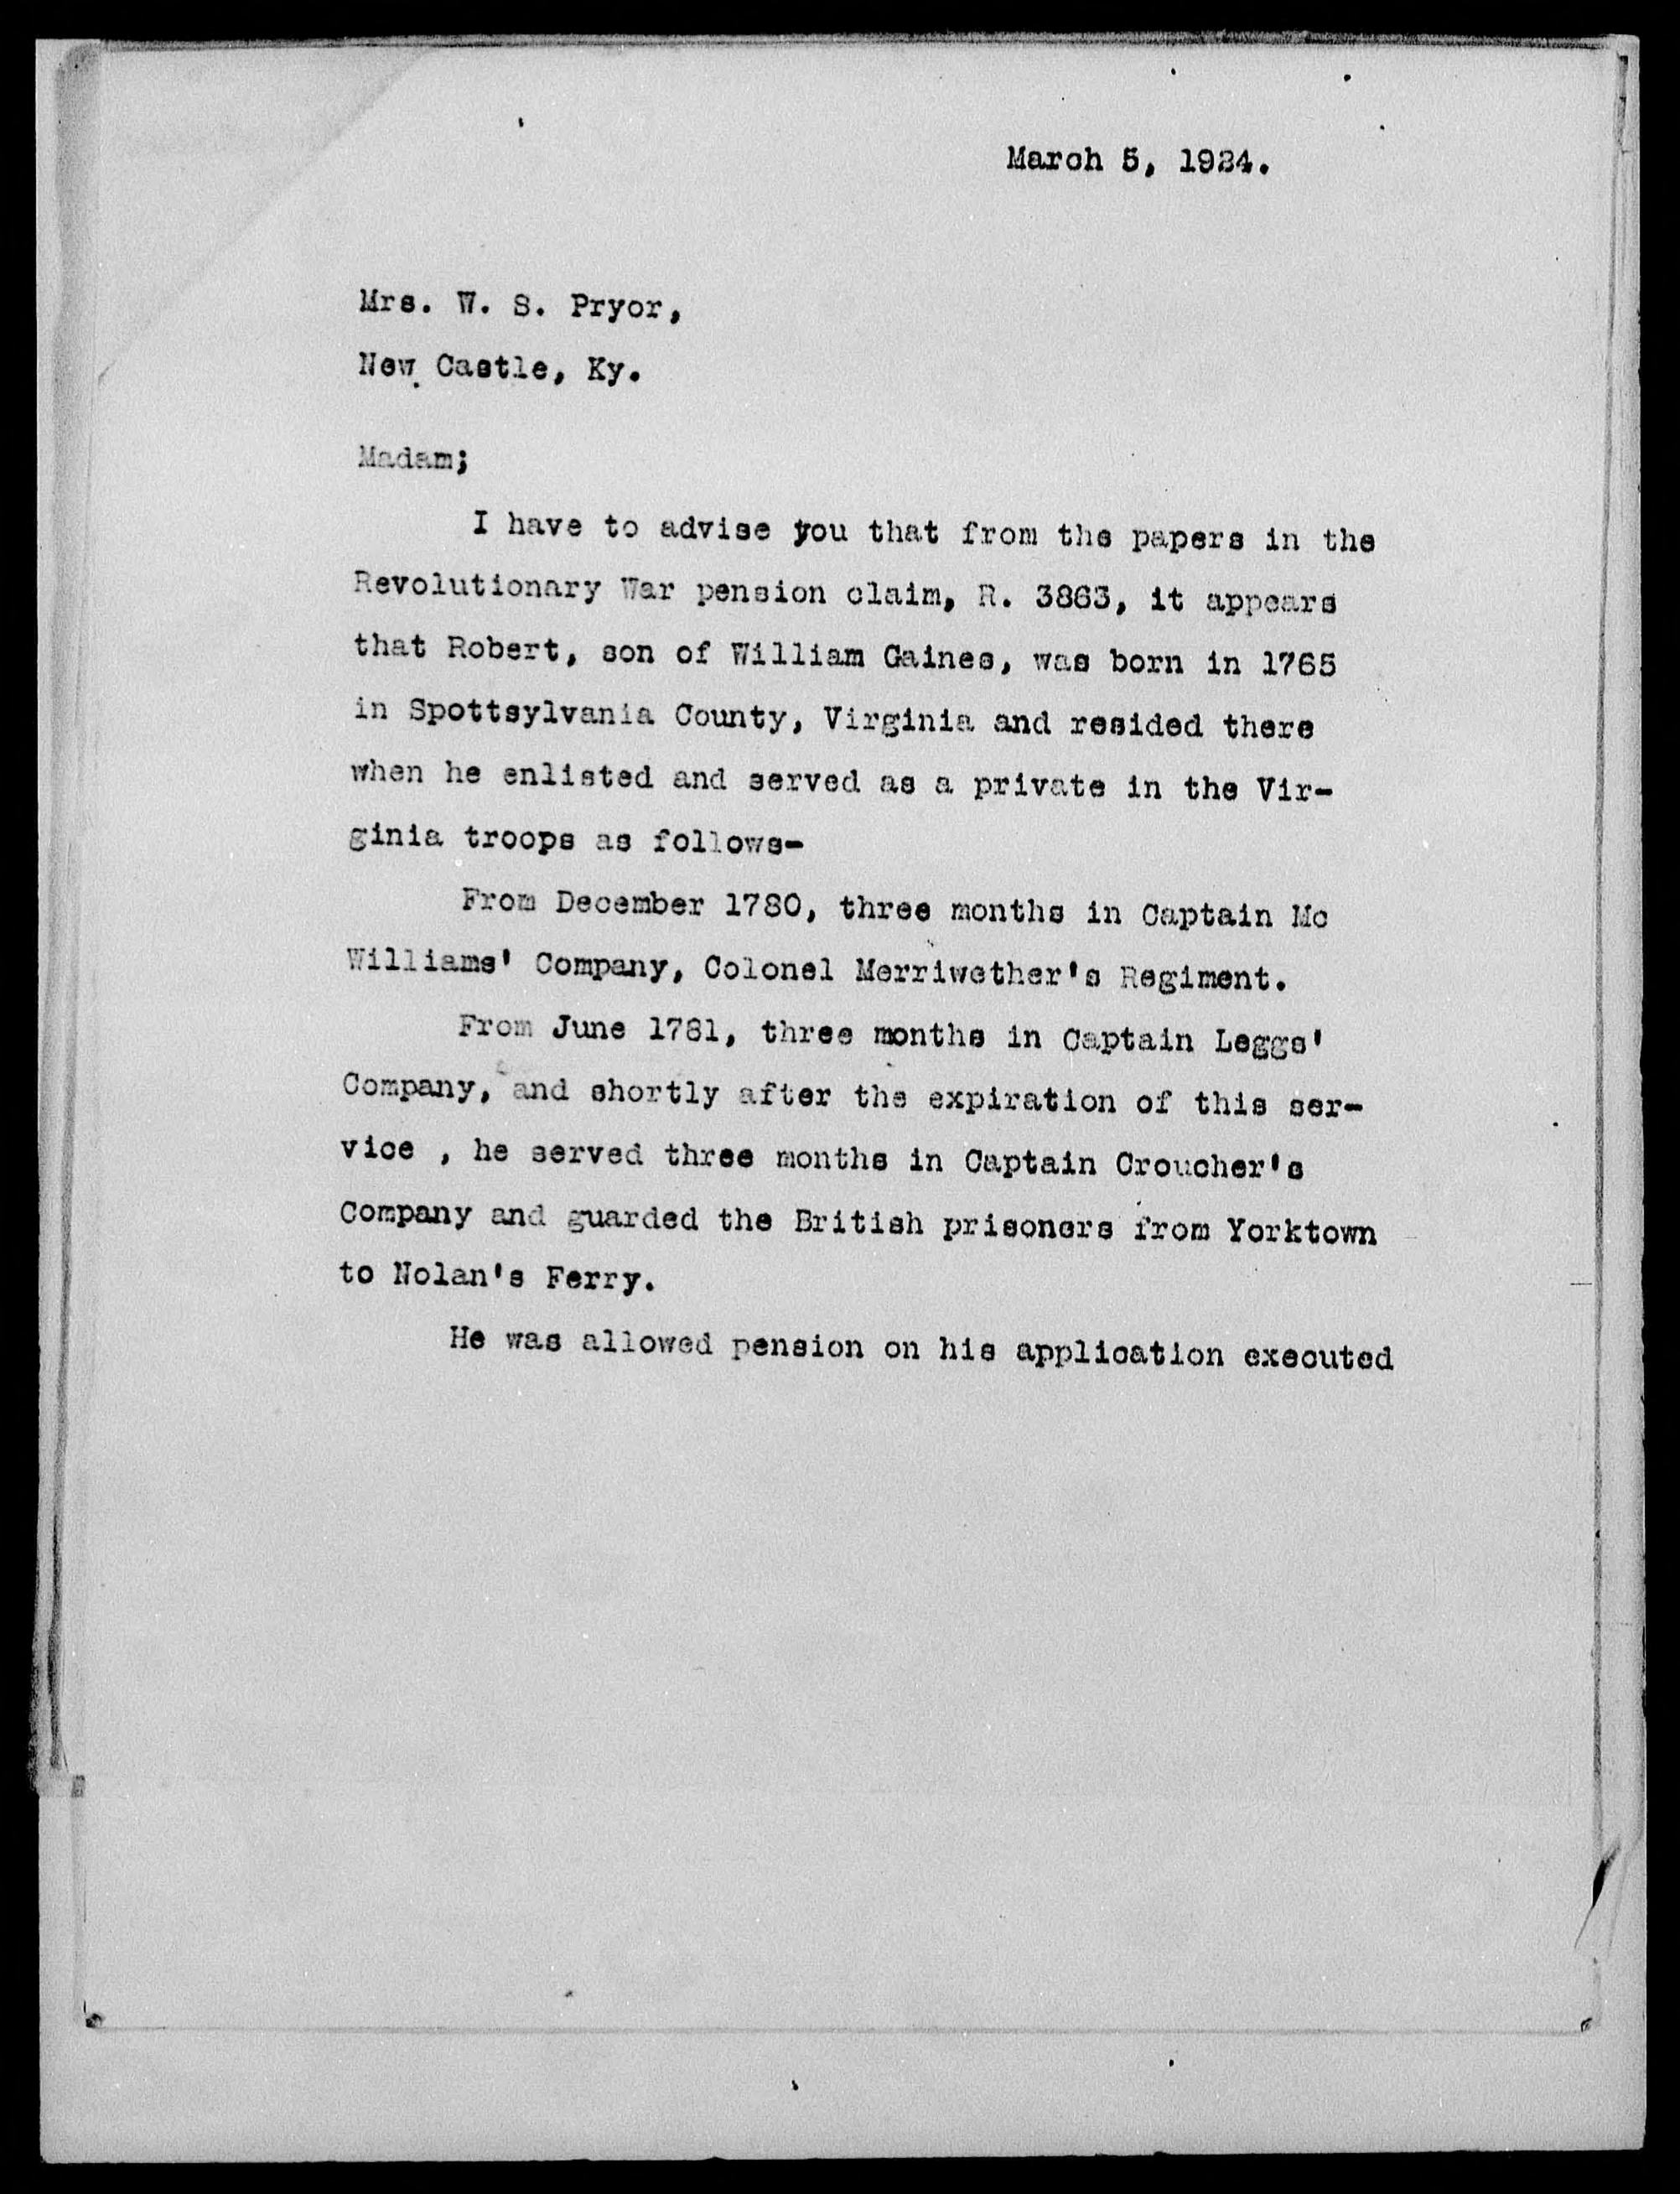March 5, 1924.
Mrs. W. S. Pryor,
New Castle, Ky.
Madam;
I have to advise you that from the papers in the
Revolutionary War pension claim, R. 3863, it appears
that Robert, son of William Gaines, was born in 1785
in Spottsylvania County, Virginia and resided there
when he enlisted and served as a private in the Virginia
troops as follows-
From December 1780, three months in Captain McWilliams' Company, Colonel Merriwether's Regiment.
From June 1781, three months in Captain Leggs'
Company, and shortly after the expiration of this service, he served three months in Captain Croucher's
company and guarded the British prisoners from Yorktown
to Nolan's Ferry,
He was allowed pension on his application executed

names: William Gaines, Robert, W S Pryor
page: 33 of 79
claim: rejected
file: R. 3863, Robert Gaines, Va.